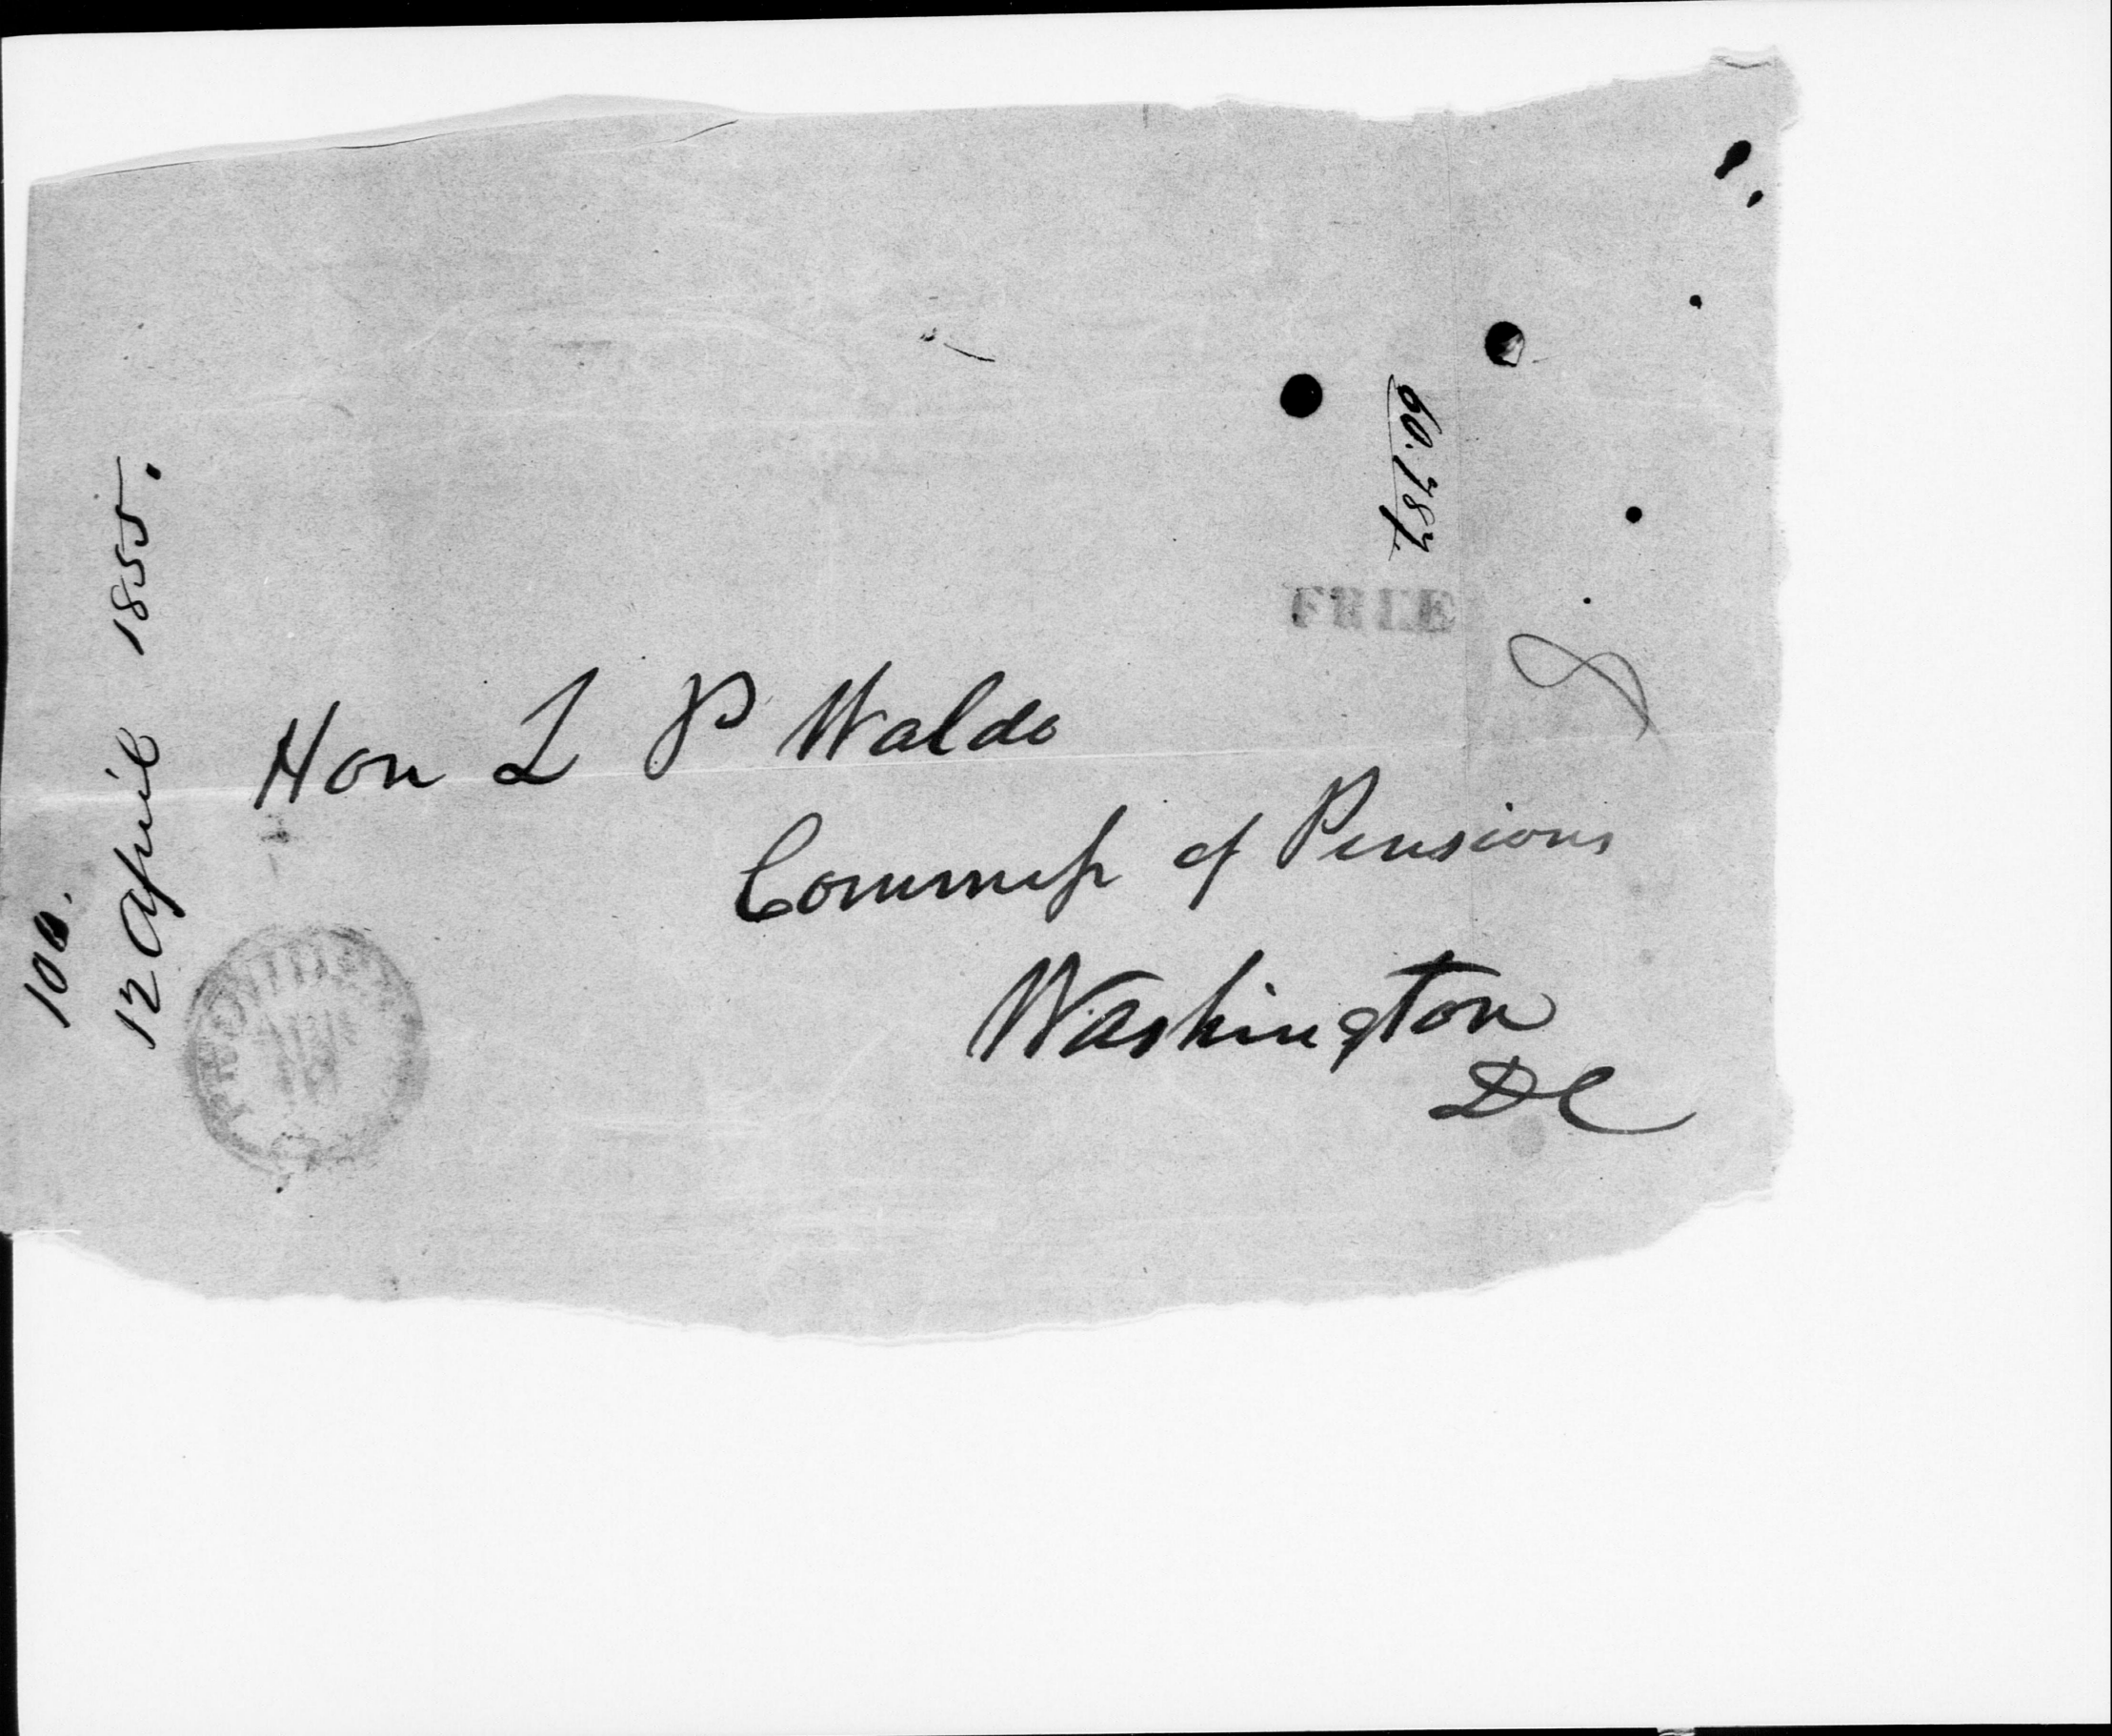Hon L P Waldo
Commis of Pensions
Washington DC


60.787


100 
12 April 1855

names: L P Waldo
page: 23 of 29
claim: widow's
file: W. 2582, Caleb Arnold, R.I.